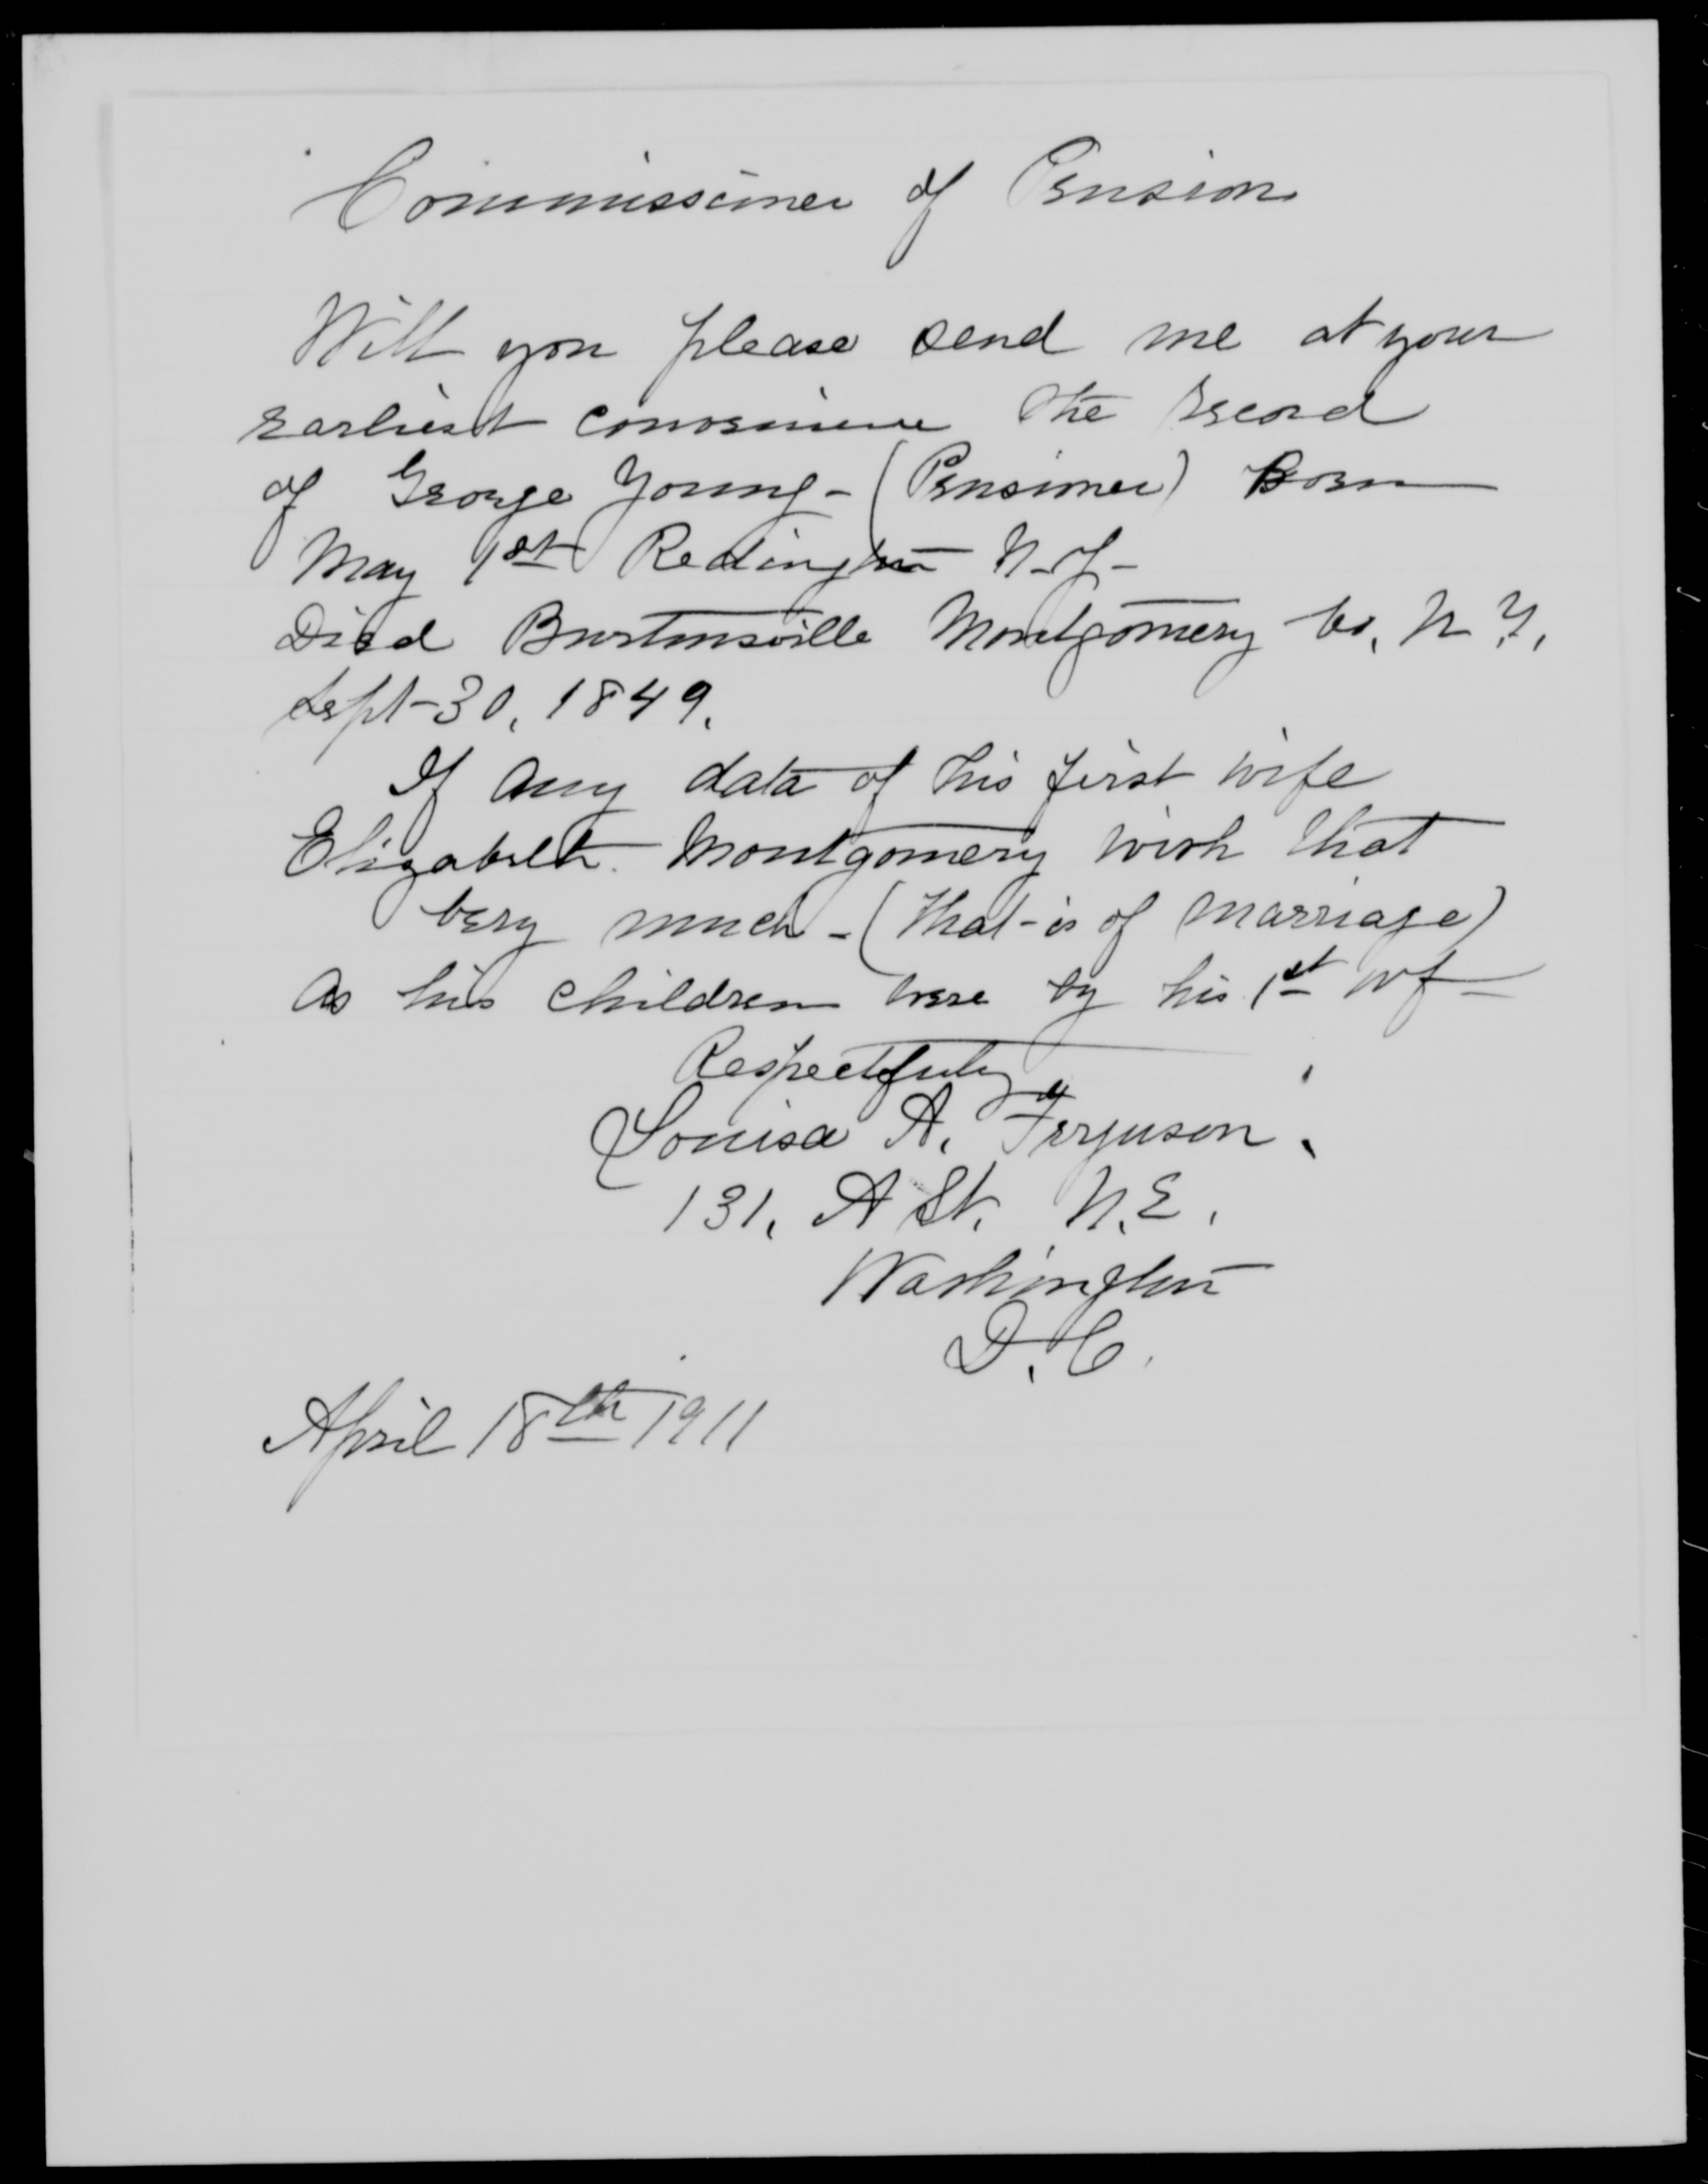Commissioner of Pension
Will you please send me at your
earliest convenience the record
of
George Young (Pensioner) Born
May 1st Redington NJ.
Died Burtonsville Montgomery Co. N.Y
Sept 30, 1849.
If any data of his first wife
Elizabeth Montgomery wish that
very much. (That is of marriage)
as his children were by his 1st of
Respectfully
1
Louisa A. Ferguson
131. A St.
N.E.
April 18th 1911
Washington
D. C.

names: Louisa A Ferguson, Elizabeth Montgomery, George Young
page: 39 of 67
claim: widow's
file: W. 7379, George Young, New Jersey